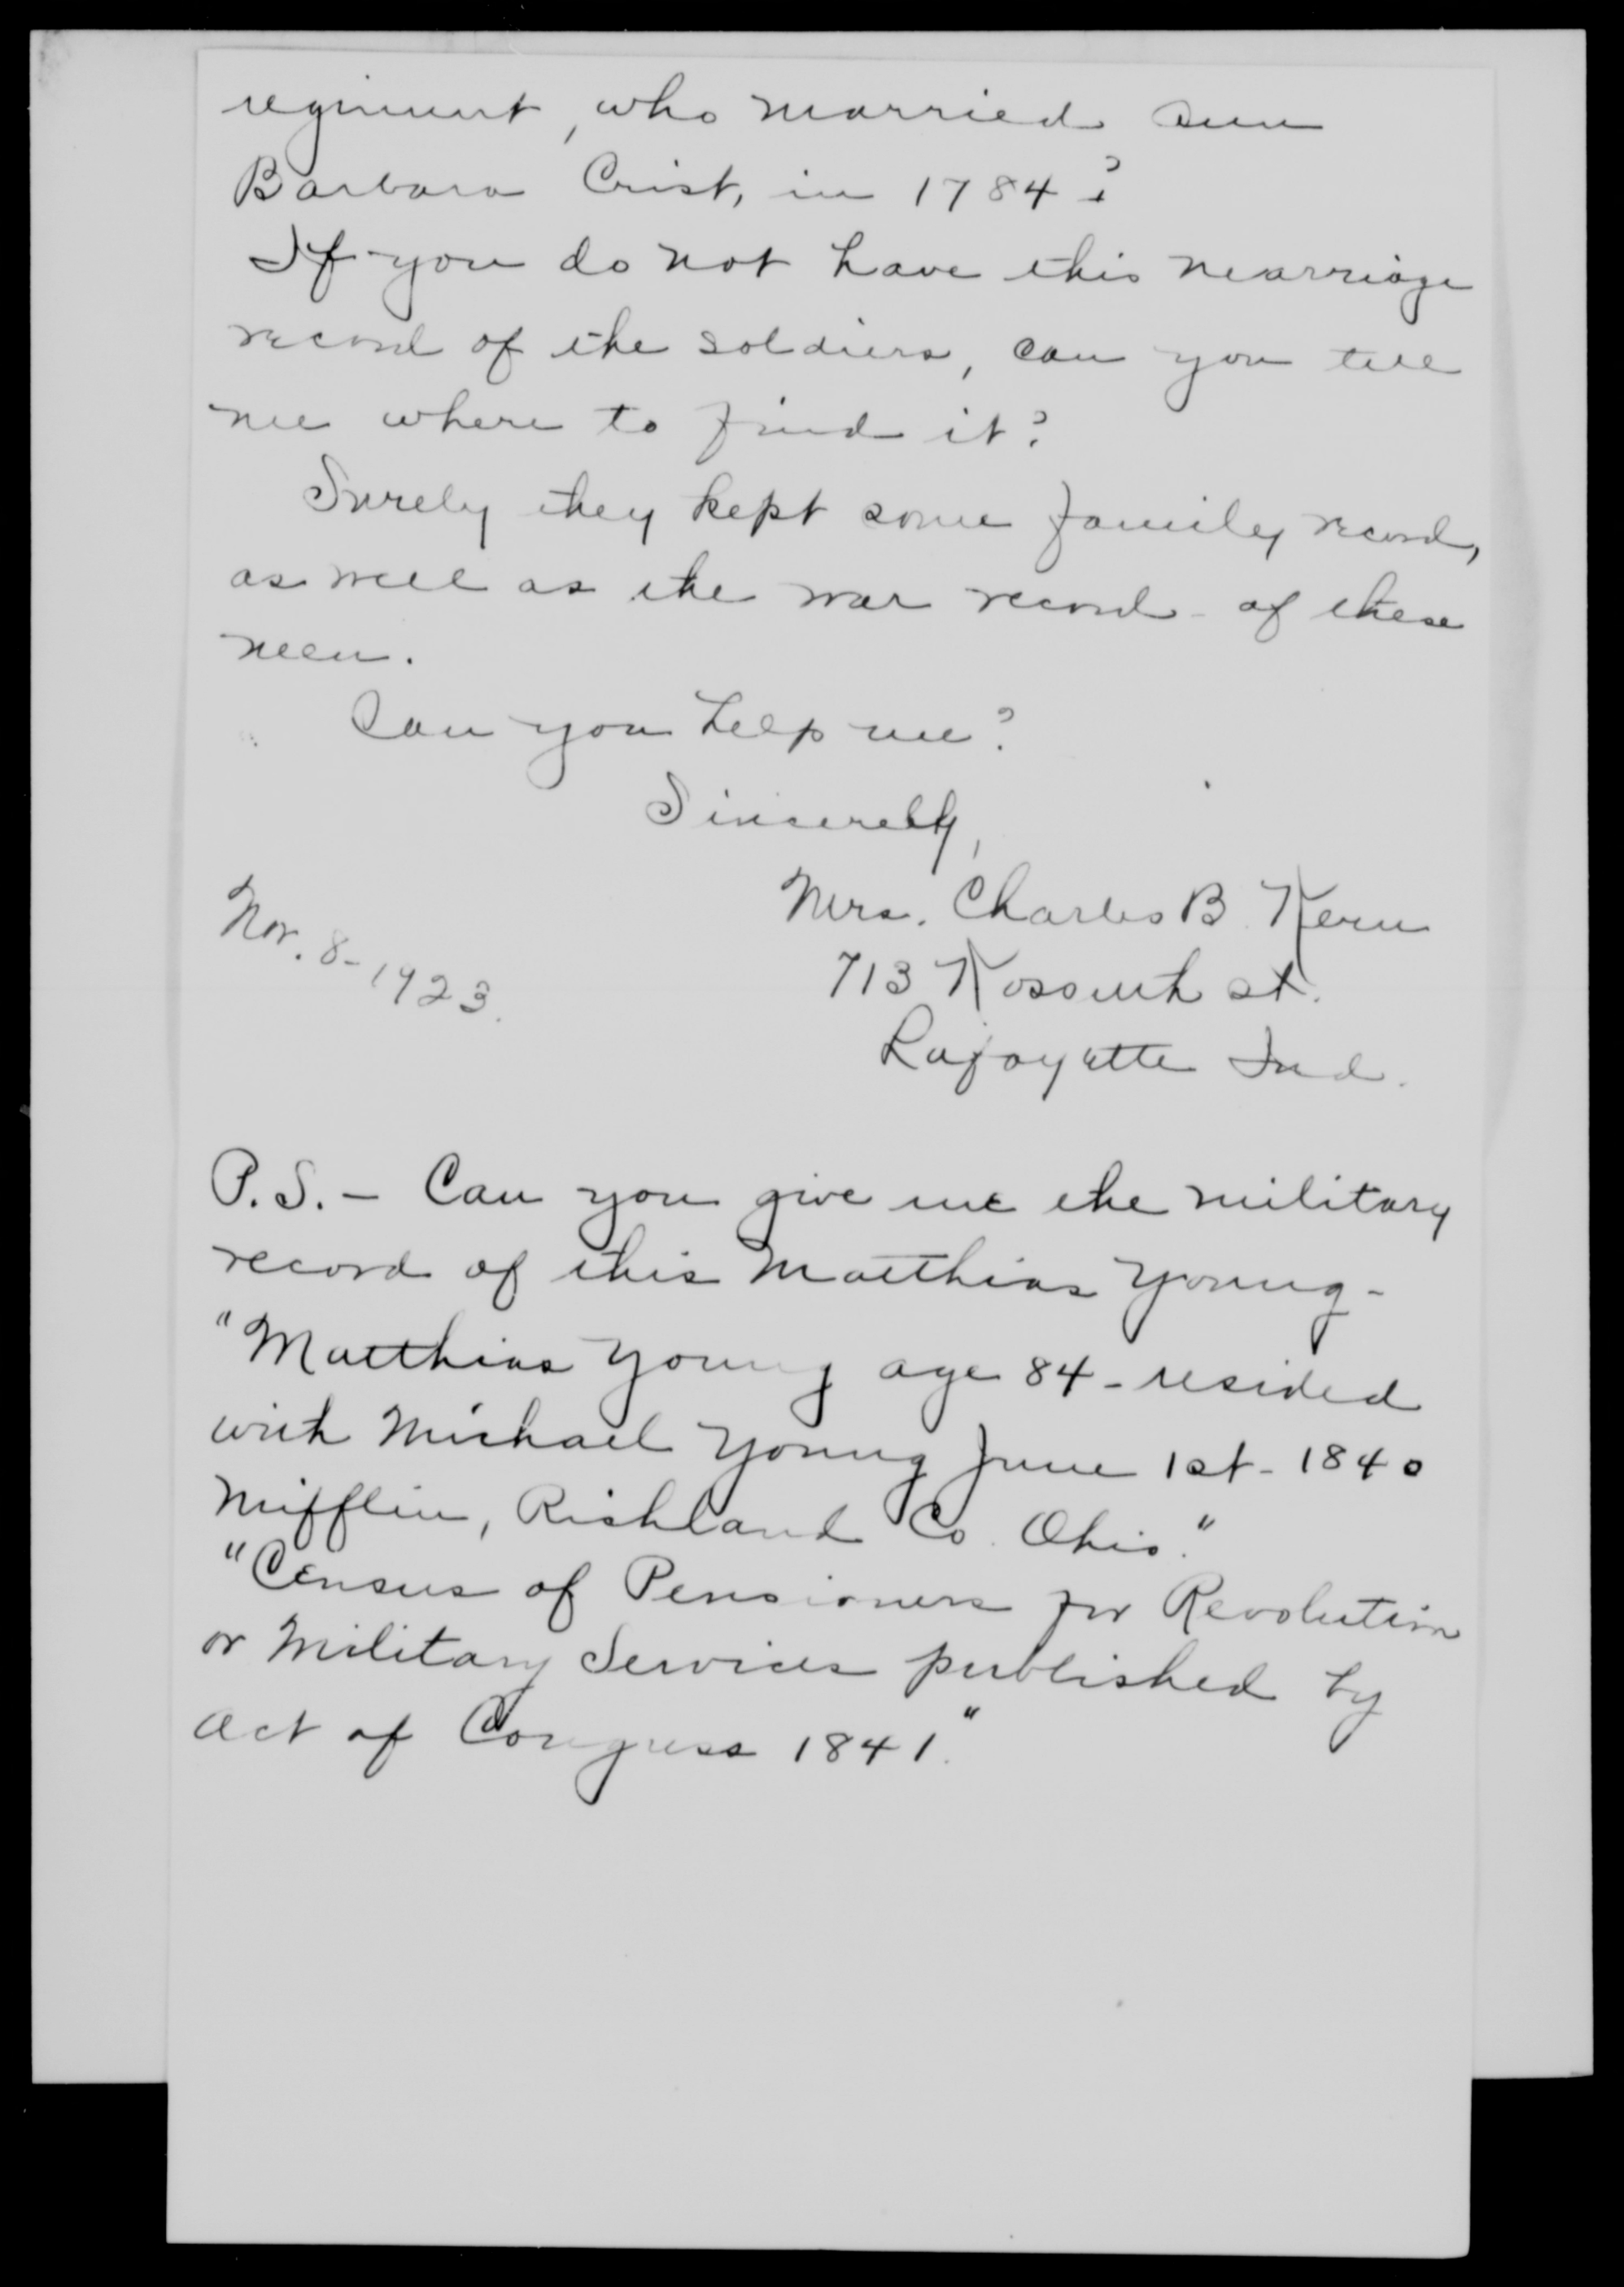regiment, who married Ann
Barbara Crist, in 1784?
If you do not have this marriage
record of the soldiers, can you tell
me where to find it?
Surely they kept some family record,
as well as the war record of these
men.
Can you help me?

Sincerely
Mrs. Charles B Kern
713 Kossuth st
Lafayette Ind
Nov. 8-1923

P.S. -- Can you give me the military
record of this Matthias Young -
“Matthias Young age 84, resided
with Michael Young June 1st, 1840
Mifflin, Richland Co. Ohio”
“Census of Pensioners for Revolution
or Military Service published by
act of Congress 1841.”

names: Ann Barbara Crist, Michael Young, Matthias Young, Charles B Kern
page: 65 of 123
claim: rejected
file: R. 11,949, Matthias Young, Md.